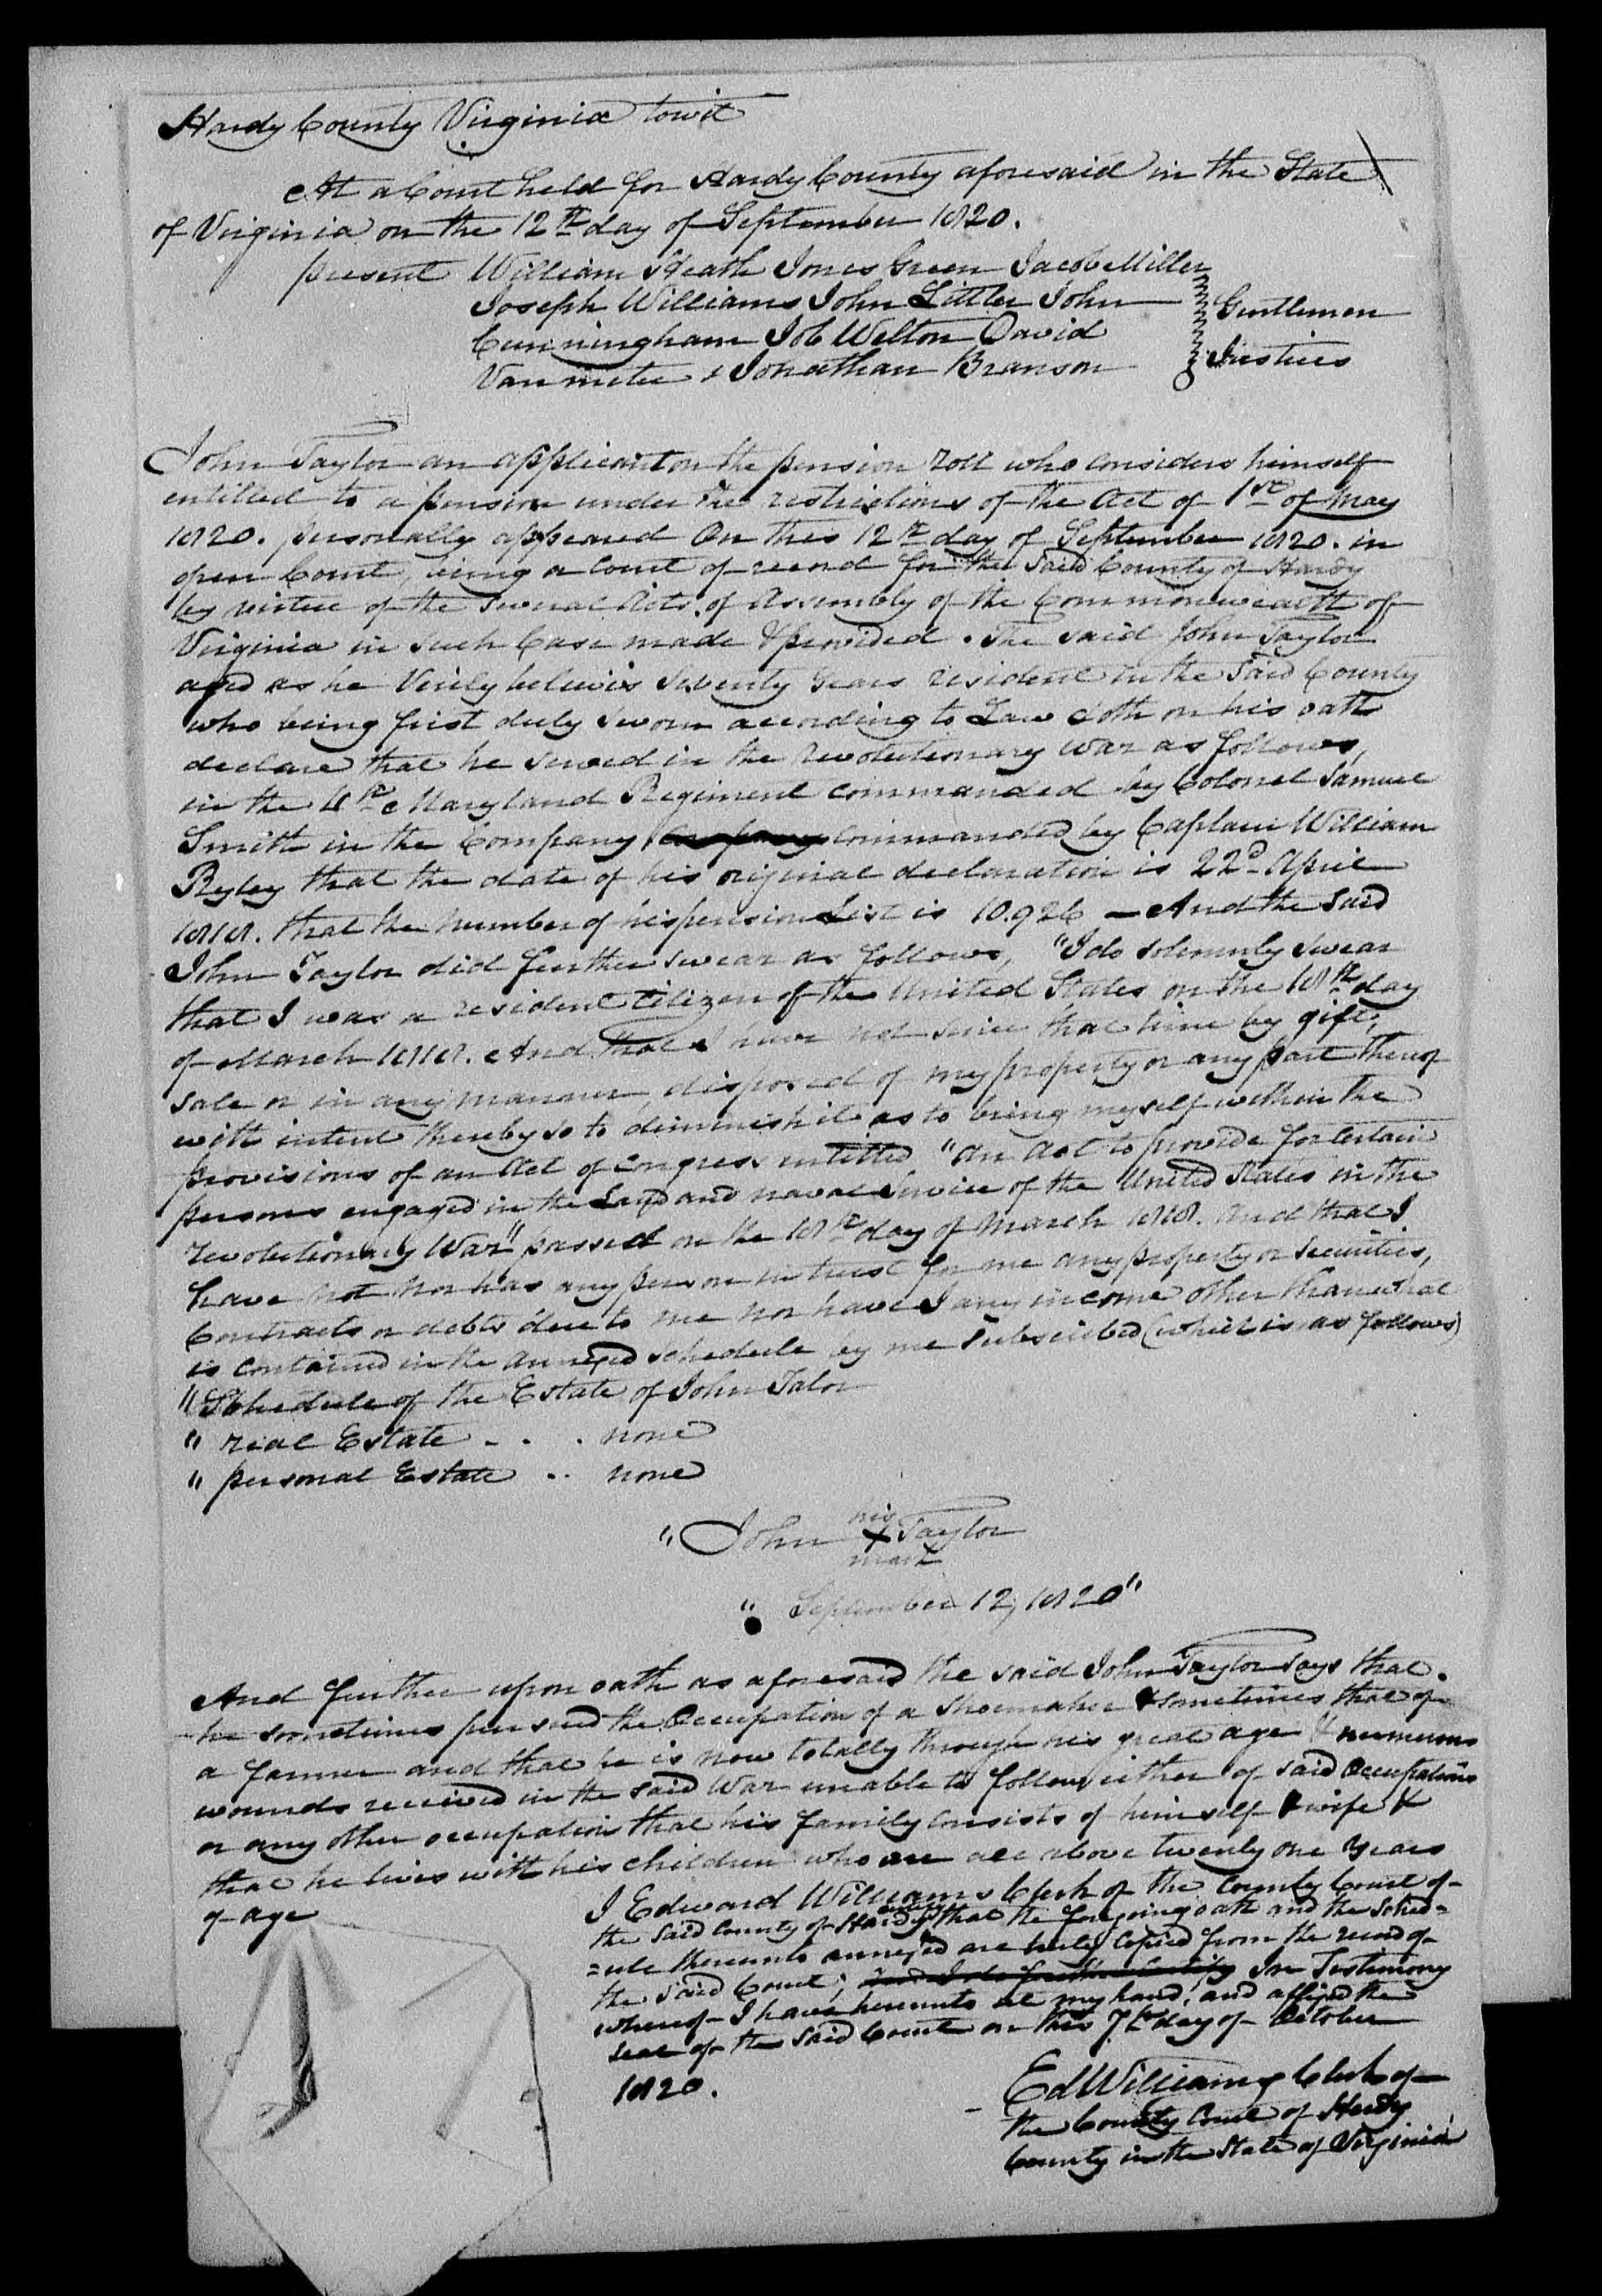Hardy County Virginia to wit

At a Court held for Hardy County aforesaid in the State 
of Virginia on the 12th day of September 1820.
present William Heath Jonas Green Jacob Miller }
Joseph Williams John Littles John } Gentleman 
Cunningham Job Walton David }
Vanmeter & Jonathan Branson } Justices

John Taylor an applicant on the pension Roll who considers himself 
entitled to a pension under the restrictions of the act of 1st of May 
1820, personally appeared on this 12th day of September 1820 in 
open Court being a Court of record for the said County of Hardy 
by virtue of the several Acts of Assembly of the Commonwealth of 
Virginia in such case made & provided. The said John Taylor 
aged as he verily believes seventy years resident in the said County 
who being first duly sworn according to law doth on his oath 
declare that he served in the Revolutionary War as follows,
in the 4th Maryland Regiment commanded by Colonel Samuel 
Smith in the Company [struck out: Company] commanded by Captain William 
Ryley that the date of his original declaration is 22d. April 
1818, that the number of his pension list is 10,926-And the said 
John Taylor did further swear as follows, "I do solemnly swear 
that I was a resident citizen of the United States on the 18th day  
of March 1818, And that I have not since that time by gift, 
sale or in any manner disposed of my property or any part thereof 
with intent thereby so to diminish it as to bring myself within the 
provisions of an act of Congress entitled "an act to provide for certain 
persons engaged in the land and naval service of the United States in the 
Revolutionary War" passed on the 18th day of March 1818. And that I 
have not nor has any persons in trust for me any property or securities, 
contracts or debts due to me nor have I any income other than what 
is contained in the annexed Schedule by me subscribed (which is as follows)
"Schedule of the Estate of John Talor
"real estate . . . . .  none
"personal estate . . none
"John his X mark Taylor 
"September 12, 1820"

And further upon oath as aforesaid the said John Taylor says that 
he sometimes pursued the occupation of a shoemaker & sometimes that of 
a farmer and that he is now totally through his great age & numerous 
wounds received in the said War unable to follow either of said occupations 
or any other occupation that his family consists of himself & wife & 
that he lives with his children who are all above twenty one years 
of age.  I Edward Williams Clerk of the County Court of 
the said County of Hardy certify that the foregoing oath and the Sched
[Blurred seal of Court] ule thereunto annexed are truly copied from the record of 
the said Court; [struck out: and I do further certify] In Testimony 
whereof, I have hereunto set my hand and affixed the 
seal of the said Court on [illegible] 7th day of October 
1820.
Ed Williams Clerk of 
the County Court of Hardy 
County in the State of Virginia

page: 7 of 18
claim: survivor's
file: S. 37,483, for John Taylor, Maryland